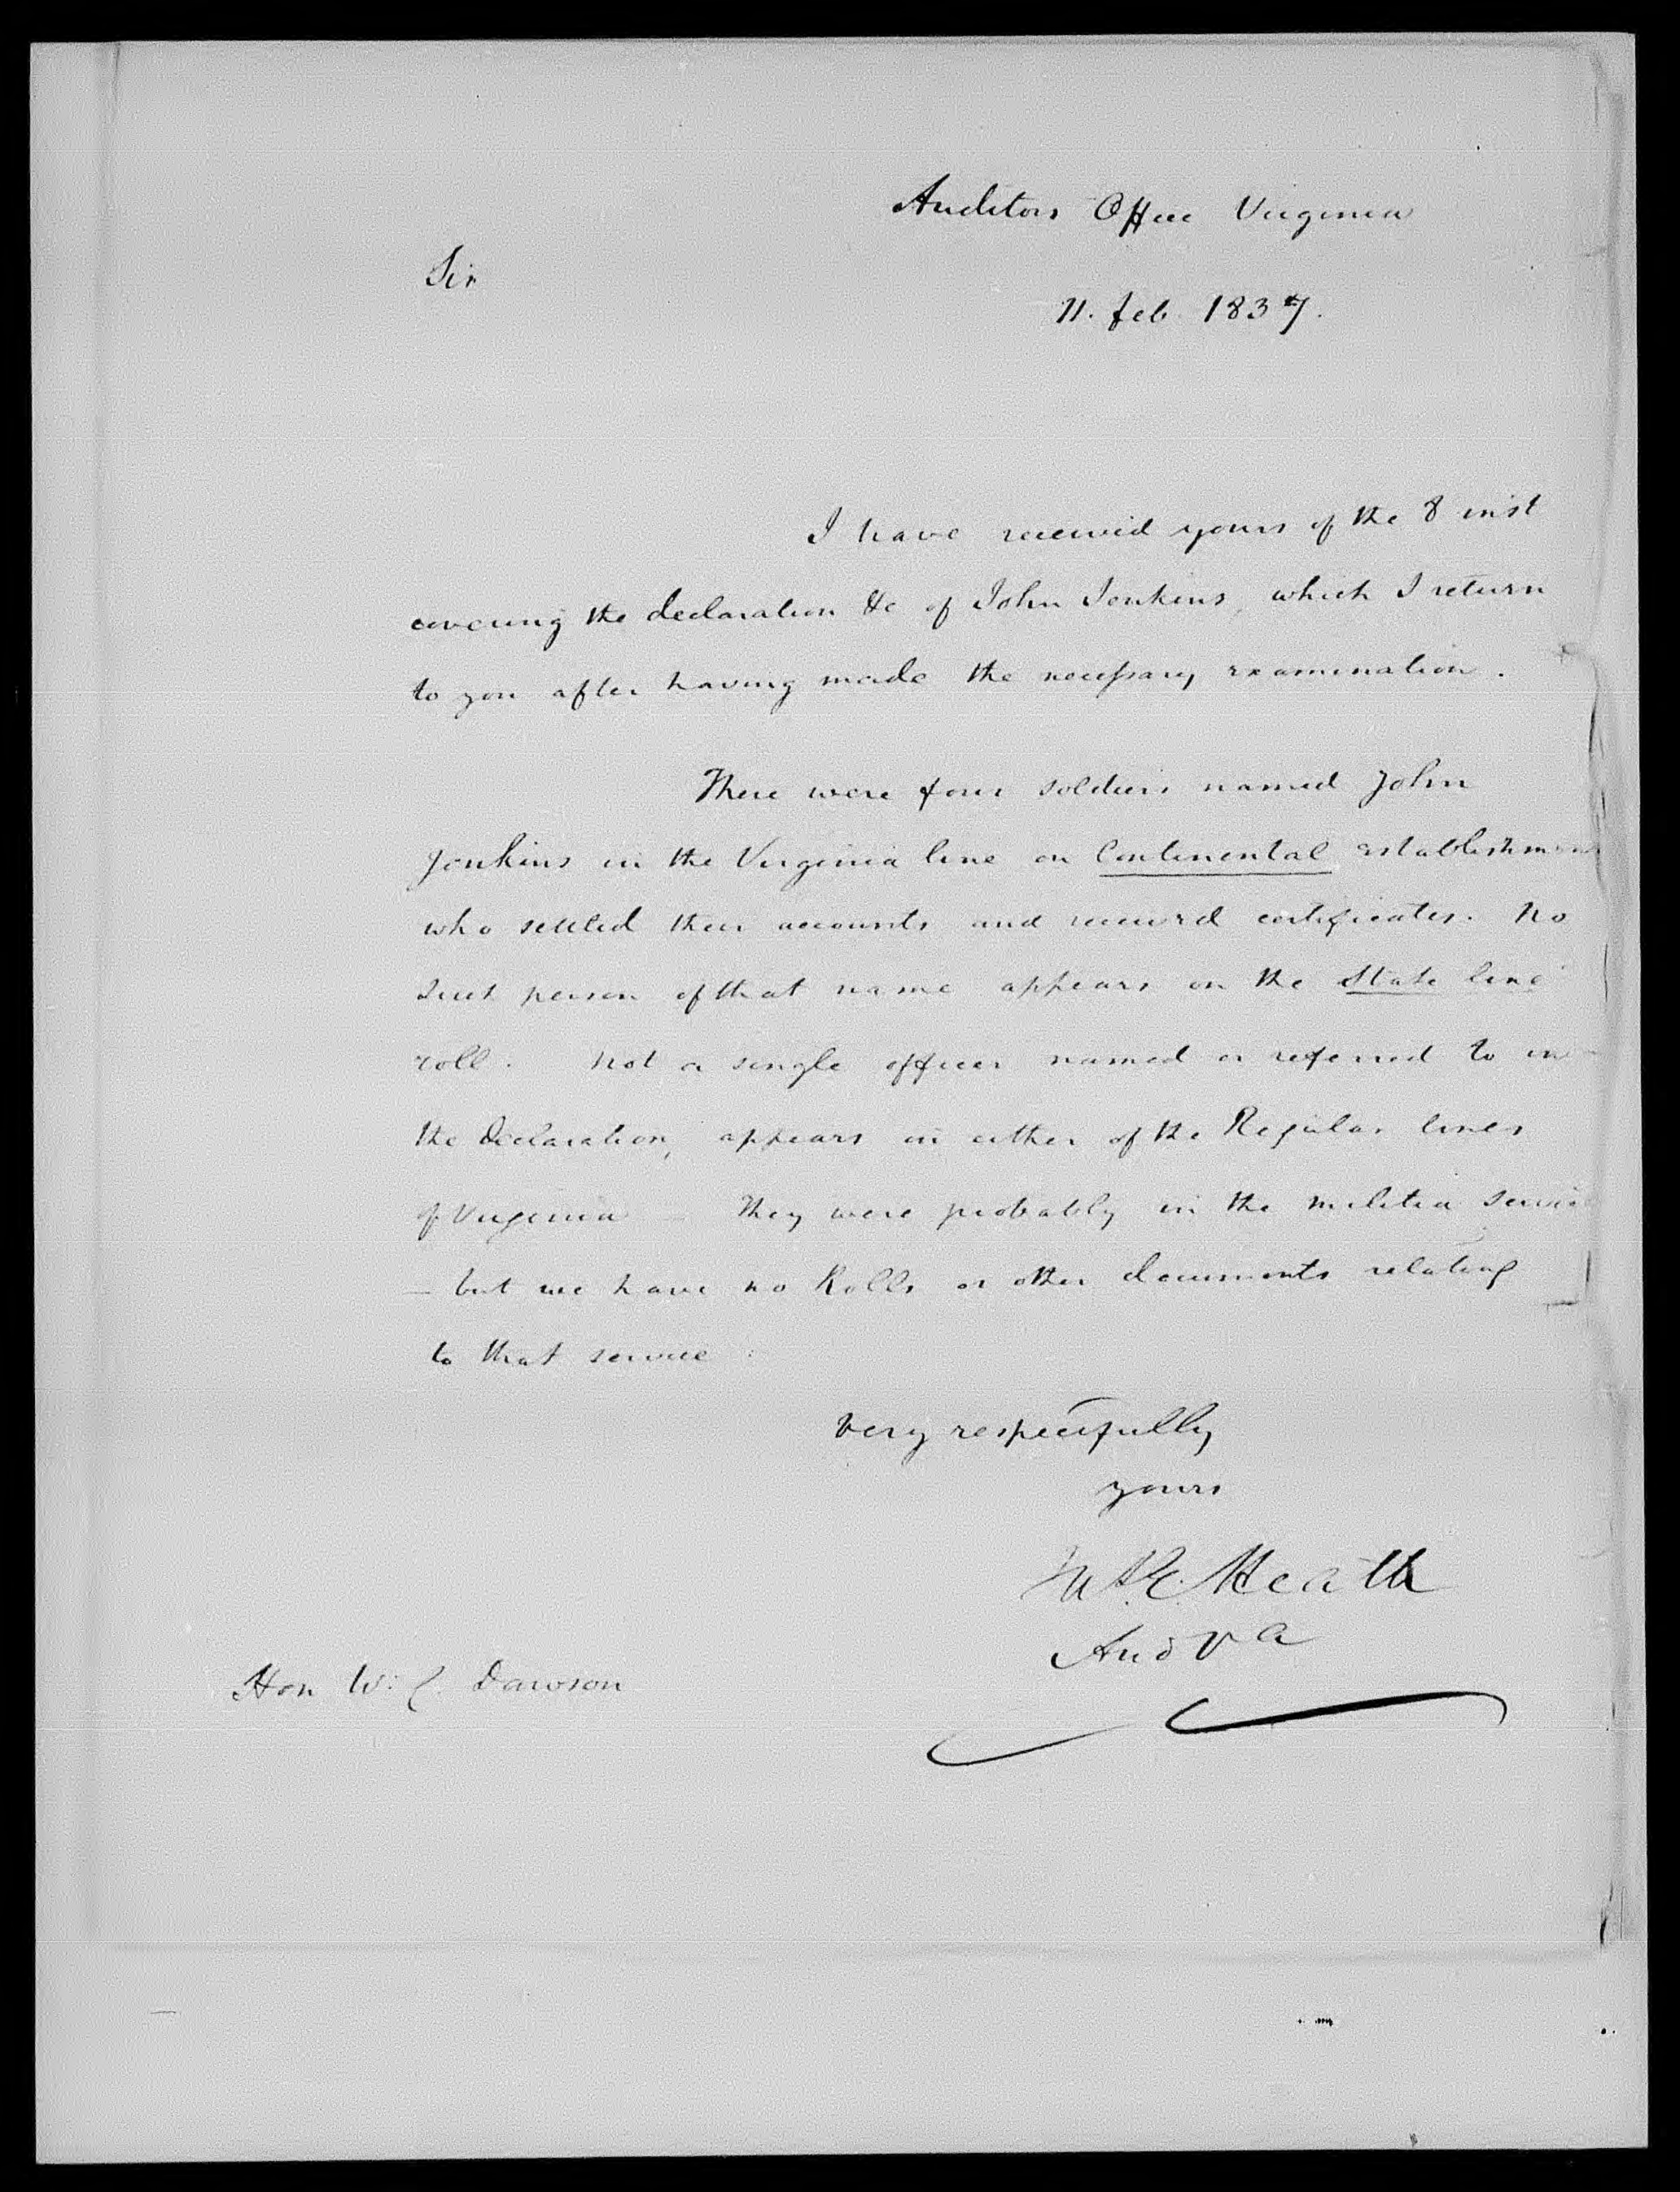Auditors Office Virginia
11. Feb 1837
Sir
I have received yours of the first covering the declaration &c of John Jenkins, which I return
to you after having made the necessary reexamination.
There were four soldiers named
John Jenkins in the Virginia line on Continental Establishment who settled their accounts
and received certificates. No such person of that name appears on the State line roll. Not a single officer named or referred to in the declaration appears in either of the Regular lines of Virginia
They were probably in the militia service but we have no Rolls or other documents relating to that service
very respectfully
yours
W. E. Heath
And Va
Hon W. C. Dawson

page: 37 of 55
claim: widow's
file: W. 7894, for John Jenkins, Virginia